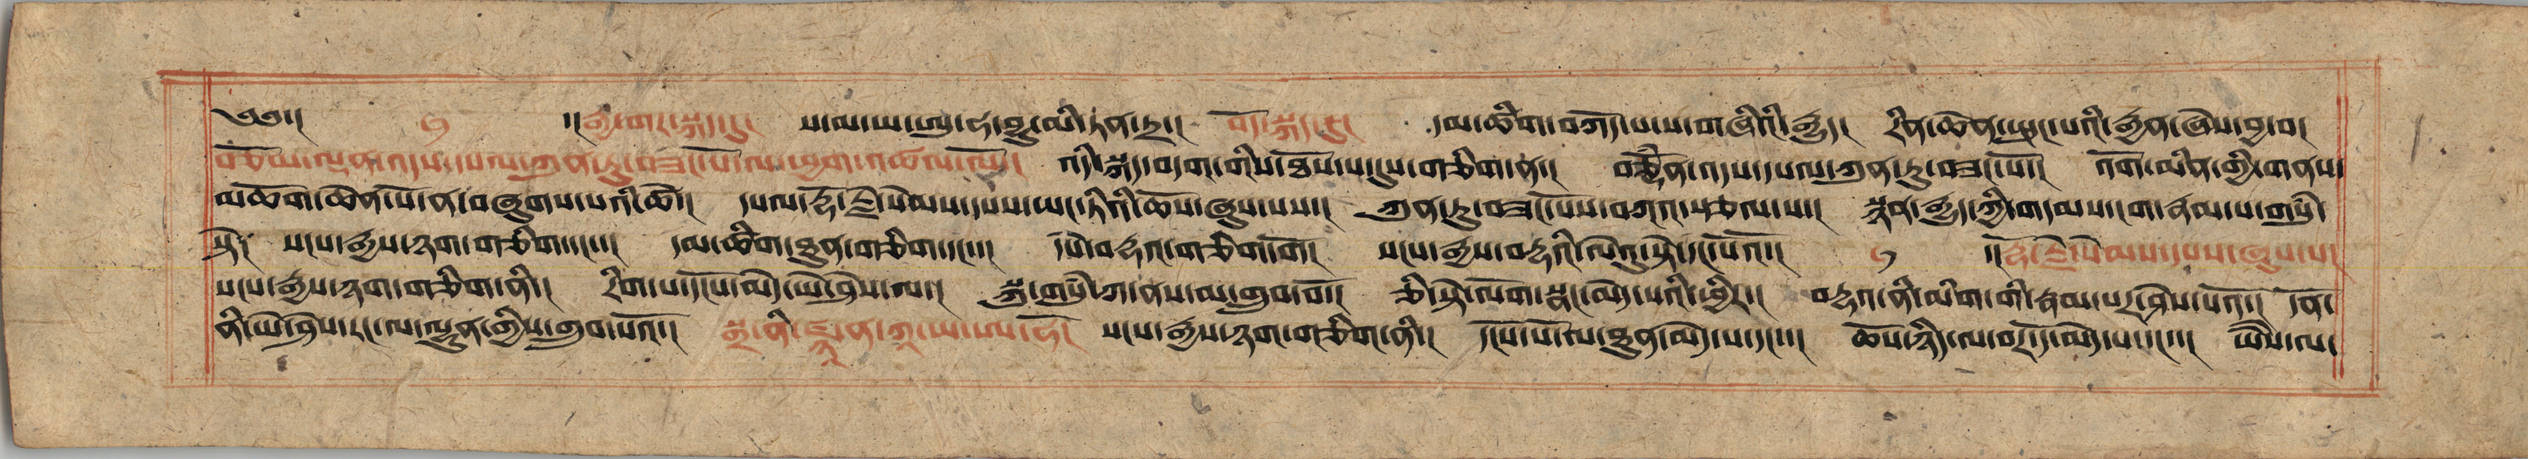༄༅་། ་།རྒྱ་གར་སྐད་དུ་ ས་མ་ཡ་ཨུ་ཧ་བྷུ་མི་ཏན་ཏྲ་། བོད་སྐད་དུ། དམ་ཚིག་བཀོད་པ་ས་གཞིའི་རྒྱུད། རིན་ཆེན་སྤུང་པའི་རྒྱན་ཞེས་བྱ་བ།
བཅོམ་ལྡན་འདས་དཔལ་ཀུན་ཏུ་བཟང་པོ་ལ་ཕྱག་འཚལ་ལོ་། འདི་སྐད་བདག་གིས་ཐོས་པ་དུས་གཅིག་ན་། བཅྡོཾན་འདས་དཔལ་ཀུན་ཏུ་བཟང་པོ་། འོག་མིན་གྱི་གནས་
མཆོག་ཆེན་པོ་ན་བཞུགས་པའི་ཚེ་། དཔལ་རྡོ་རྗེ་སེམས་དཔས་ཡང་ཏིའི་ཆོས་ཞུས་པས་། ཀུན་ཏུ་བཟང་པོས་བཀའ་སྩལ་པ་། སྙན་རྒྱུད་ཀྱི་གདམས་ངག་རྣམ་པ་གསུཾ་
སྟེ༑ སངས་རྒྱས་ཉག་གཅིག་དང་་། དམ་ཚིག་ཐུན་གཅིག་དང་་། དཔེ་བརྡའ་གཅིག་གོ། སངས་རྒྱས་བརྡའི་ལེའུ་སྟེ་དང་པོའོ་། ཧ ་།རྡོ་རྗེ་སེམས་དཔས་ཞུས་པ།
སངས་རྒྱས་ཉག་གཅིག་ནི་། རིག་པ་དངོས་མེད་ཡེ་ཤེས་ལ་། སྐུ་གསུཾ་ཀ་ནས་མ་གྲུབ་བོ་། ཅི་སྟེ་ལོག་སྣང་མེད་པའི་ཕྱིར་། བརྡའ་ནི་མིག་གི་རྣམ་པར་ཤེས་པའོ་། དོན་
ནི་ཡེ་ཤེས་རང་ལ་ལྷུན་གྱིས་གྲུབ་པའོ་། སྒྲ་ནི་ཛྙཱ་ན་ཀཱ་ཡ་ཨ་ཧོ། སངས་རྒྱས་ཉག་གཅིག་ནི་། དངོས་པོ་ལ་ཐུན་མེད་པ་དང་་། ཆོས་ཉིད་ལ་བར་དོ་མེད་པ་དང་་། ཡཻས་ལ་